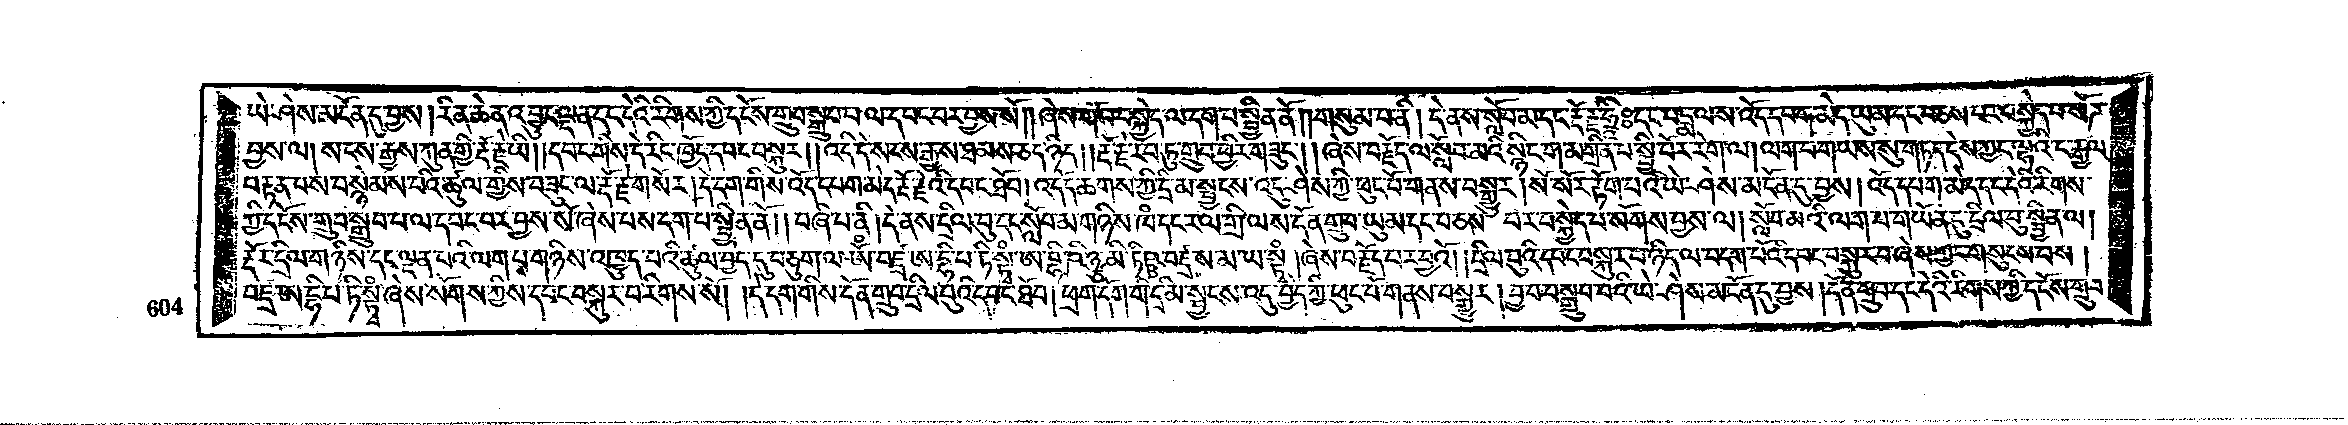ཡེ་ཤེས་མངོན་དུ་བྱས། རིན་ཆེན་འབྱུང་ལྡན་དང་དེའི་རིགས་ཀྱི་དངོས་གྲུབ་སྒྲུབ་པ་ལ་དབང་པར་བྱས་སོ། །ཞེས་གོ་བ་བསྐྱེད་ལ་དག་པ་སྦྱིན་ནོ། །གསུམ་པ་ནི། དེ་ནས་སློབ་མ་དང་རྡོ་རྗེ་ཧྲཱིཿ དང་པདམ་ལས་འོད་དཔག་མེད་ཡུམ་དང་བཅས་པར་བསྐྱེད་པ་སོགས་
བྱས་ལ། སངས་རྒྱས་ཀུན་གྱི་རྡོ་རྗེ་ཡི། དབང་གིས་དེ་རིང་ཁྱོད་དབང་བསྐུར། །འདི་དེ་སངས་རྒྱས་ཐམས་ཅད་ཉིད། །རྡོ་རྗེ་རབ་ཏུ་གྲུབ་ཕྱིར་གཟུང་། །ཞེས་བརྗོད་ལ་སློབ་མའི་སྙིང་ག་མགྲིན་པ་སྤྱི་བོར་རེག་ལ། ལག་པ་གཡས་སུ་གཏད་དེས་ཀྱང་ལྷའི་ང་རྒྱལ་
བརྟན་པས་བསྙེམས་པའི་ཚུལ་གྱིས་བཟུང་ལ་རྡོ་རྗེ་གསོར། དེ་དག་གིས་འོད་དཔག་མེད་རྡོ་རྗེའི་དབང་ཐོབ། འདོད་ཆགས་ཀྱི་དྲི་མ་སྦྱངས་འདུ་ཤེས་ཀྱི་ཕུང་པོ་གནས་བསྒྱུར། སོ་སོར་རྟོག་པའི་ཡེ་ཤེས་མངོན་དུ་བྱས། འོད་དཔག་མེད་དང་དེའི་རིགས་
ཀྱི་དངོས་གྲུབ་སྒྲུབ་པ་ལ་དབང་བར་བྱས་སོ་ཞེས་པས་དག་པ་སྦྱིན་ནོ། །བཞི་པ་ནི། དེ་ནས་དྲིལ་བུ་དང་སློབ་མ་གཉིས་ཁཾ་དང་རལ་གྲི་ལས་དོན་གྲུབ་ཡུམ་དང་བཅས་པར་བསྐྱེད་པ་སོགས་བྱས་ལ། སློབ་མའི་ལག་པ་གཡོན་དུ་དྲིལ་བུ་སྦྱིན་ལ།
རྡོར་དྲིལ་གཉིས་དང་ལྡན་པའི་ལག་པ་གཉིས་འཁྱུད་པའི་ཚུལ་བྱེད་དུ་བཅུག་ལ་ཨོཾ་བཛྲ་ཨ་དྷི་པ་ཏི་སྟྭཾ་ཨ་བྷི་ཤི་ཉྩ་མི་ཏིཥཊཿཨ་བཛྲ་ས་མ་ཡ་སྟྭཾ། ཞེས་བརྗོད་པར་བྱའོ། །དྲིལ་བུའི་དབང་བསྐུར་བ་ཉིད་ལ་བདག་པོའི་དབང་བསྐུར་བ་ཞེས་ཀྱང་གསུངས་པས།
བཛྲ་ཨ་དྷི་པ་ཏི་སྟྭཾ་ཞེས་སོགས་ཀྱིས་དབང་བསྐུར་བ་རིགས་སོ། །དེ་དག་གི་དོན་གྲུབ་དྲིལ་བུའི་དབང་ཐོབ། ཕྲ་དོག་གི་དྲི་མ་སྦྱངས་འདུ་བྱེད་ཀྱི་ཕུང་པོ་གནས་བསྒྱུར། བྱ་བ་བསྒྲུབ་པའི་ཡེ་ཤེས་མངོན་དུ་བྱས། དོན་གྲུབ་དང་དེའི་རིགས་ཀྱི་དངོས་གྲུ་